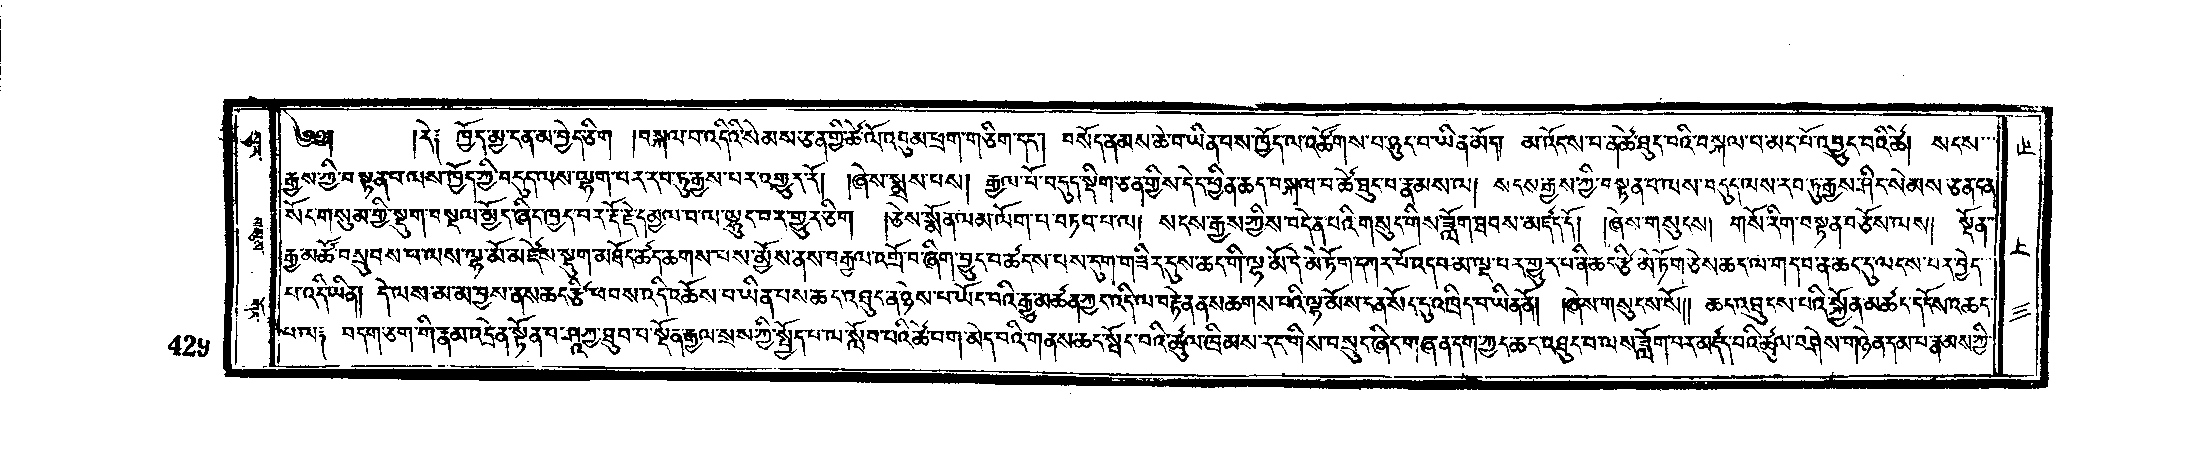༄༅། །རེ༑ ཁྱོད་མྱ་ངན་མ་བྱེད་ཅིག །བསྐལ་པ་འདིའི་སེམས་ཅན་གྱི་ཚེ་ལོ་འབུམ་ཕྲག་གཅིག་དང་། བསོད་ནམས་ཆེ་བ་ཡིན་པས་ཁྱོད་ལ་འཚོགས་པ་ཉུང་བ་ཡིན་མོད། མ་འོངས་པ་ན་ཚེ་ཐུང་བའི་བསྐལ་བ་མང་པོ་འབྱུང་བའི་ཚེ། སངས་
རྒྱས་ཀྱི་བསྟན་པ་ལས་ཁྱོད་ཀྱི་བདུད་ལས་ལྷག་པར་རབ་ཏུ་རྒྱས་པར་འགྱུར་རོ། །ཞེས་སྨྲས་པས། རྒྱལ་པོ་བདུད་སྡིག་ཅན་གྱིས་དེང་ཕྱིན་ཆད་བསྐལ་པ་ཚེ་ཐུང་བ་རྣམས་ལ། སངས་རྒྱས་ཀྱི་བསྟན་པ་ལས་བདུད་ལས་རབ་ཏུ་རྒྱས་ཤིང་སེམས་ཅན་ངན་
སོང་གསུམ་གྱི་སྡུག་བསྔལ་མྱོང་ཞིང་ཁྱད་པར་རྡོ་རྗེ་དམྱལ་བ་ལ་ལྷུང་བར་གྱུར་ཅིག །ཅེས་སྨོན་ལམ་ལོག་པ་བཏབ་པ་ལ། སངས་རྒྱས་ཀྱིས་བདེན་པའི་གསུང་གིས་ཟློག་ཐབས་མཛད་དོ། །ཞེས་གསུངས། གསོ་རིག་བསྟན་བཅོས་ལས། སྔོན་
རྒྱ་མཚོ་བསྲུབས་པ་ལས་ལྷ་མོ་མཛེས་སྡུག་མཐོང་ཚད་ཆགས་པས་མྱོས་ནས་བརྒྱལ་འགྲོ་བ་ཞིག་བྱུང་བ་ཚངས་པས་དུག་གཟིར་དུས་ཆང་གི་ལྷ་མོ་དེ་མེ་ཏོག་དཀར་པོ་འདབ་མ་ལྔ་པར་གྱུར་པ་ནི་ཆང་རྩི་མེ་ཏོག་ཅེས་ཆང་ལ་གདབ་ན་ཆང་དུ་ལངས་པར་བྱེད་
པ་འདི་ཡིན། དེ་ལས་མ་མ་བྱས་ནས་ཆང་རྩི་ཕབས་འདི་འཆོས་པ་ཡིན་པས་ཆང་འཐུང་ན་ཉེས་པ་ཡོང་བའི་རྒྱུ་མཚན་ཀྱང་འདི་ལ་བརྟེན་ནས་ཆགས་པའི་ལྷ་མོས་ངན་སོང་དུ་འཁྲིད་པ་ཡིན་ནོ། །ཞེས་གསུངས་སོ།། ཆང་འཐུངས་པའི་སྐྱོན་མཚང་དངོས་འཆང་
པ་ལ༑ བདག་ཅག་གི་རྣམ་འདྲེན་སྟོན་པ་ཤཱཀྱ་ཐུབ་པ་སྔོན་རྒྱལ་སྲས་ཀྱི་སྤྱོད་པ་ལ་སློབ་པའི་ཚེ་བག་མེད་པའི་གནས་ཆང་སྤོང་བའི་ཚུལ་ཁྲིམས་རང་གིས་བསྲུང་ཞིང་གཞན་དག་ཀྱང་ཆང་འཐུང་བ་ལས་ཟློག་པར་མཛད་པའི་ཚུལ་བཤེས་གཉེན་དམ་པ་རྣམས་ཀྱི་